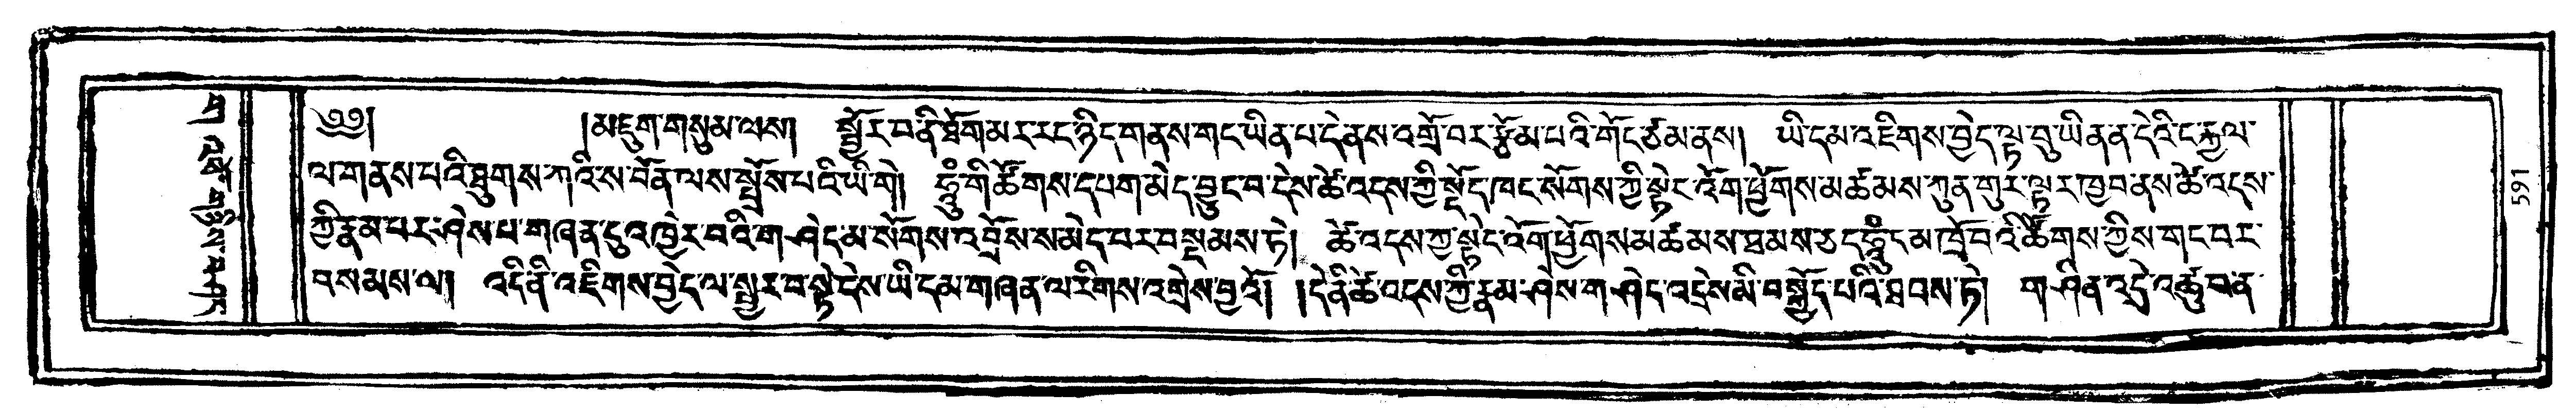༄༅། །མཇུག་གསུམ་ལས། སྦྱོར་བ་ནི་ཐོག་མར་རང་ཉིད་གནས་གང་ཡིན་པ་དེ་ནས་འགྲོ་བར་རྩོམ་པའི་གོང་ཙམ་ནས། ཡི་དམ་འཇིགས་བྱེད་ལྟ་བུ་ཡིན་ན་དེའི་ང་རྐྱལ་
ལ་གནས་པའི་ཐུགས་ཀའི་ས་བོན་ལས་སྤྲོས་པའི་ཡི་གེ། ཧཱུཾ་གི་ཚོགས་དཔག་མེད་བྱུང་བ་དེས་ཚེ་འདས་ཀྱི་སྡོད་ཁང་སོགས་ཀྱི་སྟེང་འོག་ཕྱོགས་མཚམས་ཀུན་གུར་ལྟར་ཁྱབ་ནས་ཚེ་འདས་
ཀྱི་རྣམ་པར་ཤེས་པ་གཞན་དུ་འཁྱེར་བའི་གཤེད་མ་སོགས་འབྲོས་ས་མེད་པར་བསྡམས་ཏེ། ཚེ་འདས་ཀྱི་སྟེང་འོག་ཕྱོགས་མཚམས་ཐམས་ཅད་ཧཱུཾ་ངམ་ཁྲོ་བའི་ཚོགས་ཀྱིས་གང་བར་
བསམས་ལ། འདི་ནི་འཇིགས་བྱེད་ལ་སྦྱར་བ་སྟེ་དེས་ཡི་དམ་གཞན་ལ་རིགས་འགྲེས་བྱའོ། །དེ་ནི་ཚེ་འདས་ཀྱི་རྣམ་ཤེས་གཤེད་འདྲེས་མི་བསྐྱོད་པའི་ཐབས་ཏེ། གཤིན་འདྲེ་འཚུབ་ན་